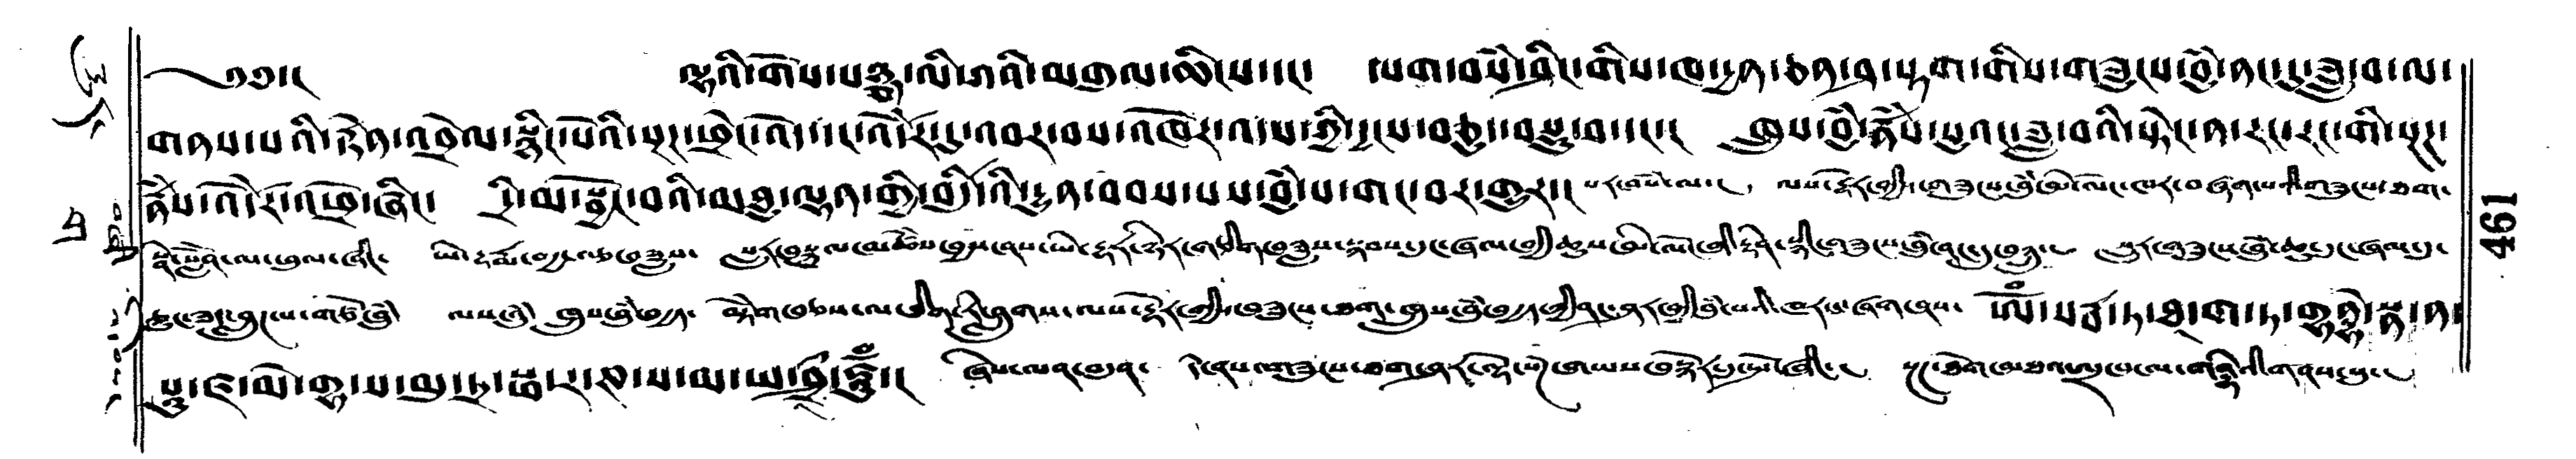ལྷའི་གོས་པཉྩ་ལི་ཀའི་མགུལ་ཆིངས་དང་།དཔག་བསམ་ཤིང་གིས་ཁ་རྒྱན་ཅན་ཤ་སྟག་གི་གཟུངས་བུམ་ནང་དུ་ཟླ་བ་ལ་
གནས་པའི་རྟེན་འབྲེལ་སྙིང་པོའི་སྔགས་ཕྲེང་འོད་དང་འོད་ཟེར་དུ་འབར་བས་འཁོར་འདས་ཀྱི་དྭངས་བཅུད་བསྡུ་བ་དང་། ཁྲུས་བུམ་རྣམས་སུའང་ཟླ་བའི་སྟེང་ན་རང་རང་གི་སྔགས་
རྣམས་འོད་ཟེར་འཕྲོ་ཞིང་། དྲི་མ་སྦྱོང་བའི་མཐུ་ལྡན་གྱི་བདུད་རྩིའི་རྒྱུན་བབས་པས་བུམ་པ་གང་བར་གྱུར་པར་བསམ་ལ། ལས་རྡོར་གྱིས་གཟུངས་བུམ་མེ་ལོང་ཁར་བཞག་པའི་གཟུངས་ཐག་
སྣེ་སློབ་དཔོན་ལ་ཕུལ་ཞིང་། ཡེ་དྷརྨ་བརྒྱ་རྩ་བཟླས། སླར་བསྐུལ་མཚམས་བྱས་ནས་ཡེ་དྷརྨ་ཉེར་གཅིག་བཟླས་སྐབས་དུང་ཞལ་གྱི་ཆུས་མེ་ལོང་གི་རྟེན་སྙིང་གཟུངས་བུམ་ནང་དུ་བཀྲུ། སླར་གཟུངས་བུམ་ཆུ་དུང་ཞལ་དུ་
ཅུང་ཟད་བླུགས་པ་གཙོ་བུམ། ལས་བུམ། ཁྲུས་བུམ་བརྒྱད། མེ་ཏོག་བཅས་ལ་ཐིག་རེ་བླུགས་ལས་རྡོར་གྱིས་བཟུངས་ཐག་ཁྲུས་བུམ་བརྒྱད་ཀྱི་ནང་ཤར་གྱི་བུམ་པའི་ཁར་བཞག་ནས། ཨོཾ་སརྦ་ཏ་ཐཱ་ག་ཏ་གྷནྡྷེ་ཛྙཱ་ན་
པཱུ་ཛ་མེ་གྷ་ས་མུ་ཏྲ་སྥ་ར་ཎ་ས་མ་ཡ་ཤྲཱི་ཧཱུྃ། ཞེས་ལན་བདུན། དེ་ནས་གཟུངས་ཐག་ཤར་ལྷོ་སོགས་གཡས་བསྐོར་དུ་སྤོ་ཞིང་། སྔགས་ཐོག་མཐའ་འདྲ་བ་ལ་གནྡྷེའི་གནས་སུ་